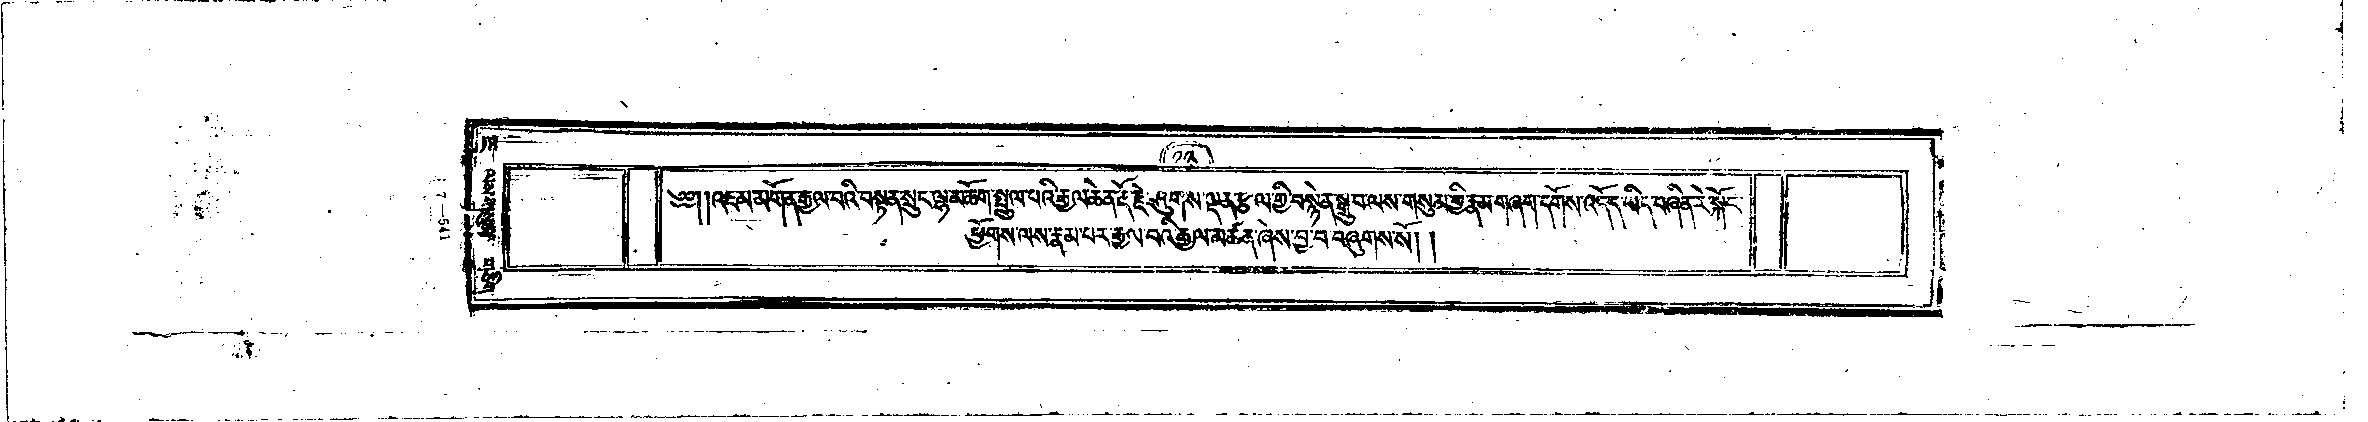༄༅། །འཇམ་མགོན་རྒྱལ་བའི་བསྟན་སྲུང་ལྷ་མཆོག་སྤྲུལ་པའི་རྒྱལ་ཆེན་རྡོ་རྗེ་ཤུགས་ལྡན་རྩལ་བྱི་བསྙེན་སྒྲུབ་ལས་གསུམ་གྱི་རྣམ་གཞག་དགོས་འདོད་ཡིད་བཞིན་རེ་སྐོང་
ཕྱོགས་ལས་རྣམ་བར་རྒྱལ་བའི་རྒྱལ་མཚན་ཞེས་བྱ་བ་བཞུགས་སོ། །